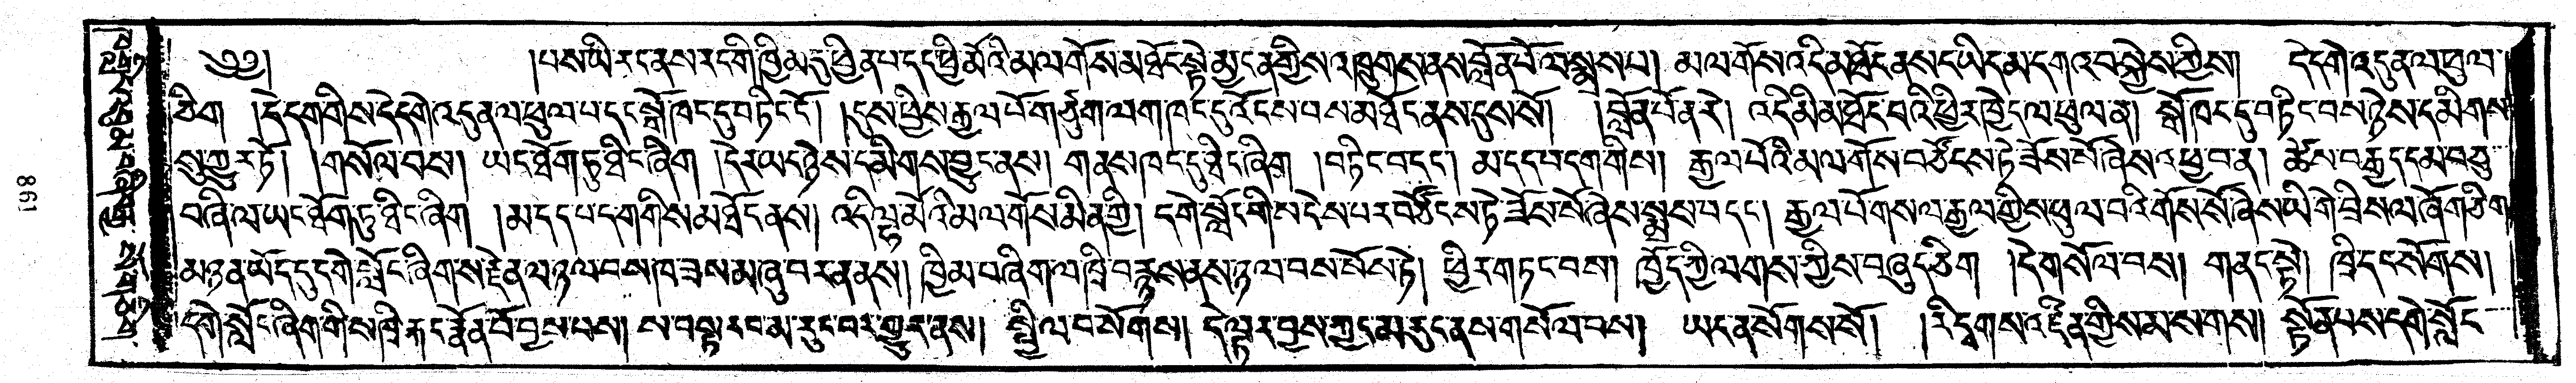༄༅། །པས་ཡི་རང་ནས་རང་གི་ཁྱིམ་དུ་ཕྱིན་པ་དང་ཕྱི་མོའི་མལ་གོས་མཐོང་སྟེ་མྱ་ངན་གྱིས་འཁྲུགས་ནས་བློན་པོ་ལ་སྨྲས་པ། མལ་གོས་འདི་མཐོང་ནས་ང་ཡིད་མ་དགའ་བསྐྱེས་ཀྱིས། དེ་དགེ་འདུན་ལ་ཕུལ་
ཅིག །དེ་དག་གིས་དེ་དགེ་འདུན་ལ་ཕུལ་པ་དང་སྒོ་ཁང་དུ་བཏིང་ངོ། །དུས་ཕྱིས་རྒྱལ་པོ་གཙུག་ལག་ཁང་དུ་འོངས་པས་མཐོང་ནས་དུས་སོ། །བློན་པོ་ན་རེ། འདི་མི་མཐོང་བའི་ཕྱིར་ཁྱེད་ལ་ཕུལ་ན། སྒོ་ཁང་དུ་བཏིང་བས་ཉེས་དམིགས་
སུ་ཀྱུར་ཏོ། །གསོལ་བས། ཡང་ཐོག་ཏུ་ཐིང་ཞིག །དེར་ཡང་ཉེས་དམིགས་བྱུང་ནས། གནས་ཁང་དུ་ཐིང་ཞིག །བཏིང་བ་དང་། མ་དད་པ་དག་གིས། རྒྱལ་པོའི་མལ་གོས་བཙོངས་ཏེ་ཟོས་སོ་ཞེས་འཕྱ་བ་ན། ཆོས་བརྒྱད་དམ་བཅུ་
བཞི་ལ་ཡང་ཐོག་ཏུ་ཐིང་ཞིག །མ་དད་པ་དག་གིས་མཐོང་ནས། འདི་ལྷ་མོའི་མལ་གོས་མིན་གྱི། དགེ་སློང་གིས་ངེས་པར་བཙོངས་ཏེ་ཟོས་སོ་ཞེས་སྨྲས་པ་དང་། རྒྱལ་པོ་གསལ་རྒྱལ་གྱིས་ཕུལ་བའི་གོས་སོ་ཞེས་ཡི་གེ་བྲིས་ལ་ཞོག་ཅིག་
མཉན་ཡོད་དུ་དགེ་སློང་ཞིག་ས་རྗེན་ལ་ཉལ་བས་ཁ་ཟས་མ་ཞུ་བར་ན་ནས། ཁྱིམ་བཞིག་ལ་ཁྲི་བརྙས་ནས་ཉལ་བས་སོས་ཏེ། ཕྱིར་གཏང་བས། ཁྱོད་ཀྱི་ལགས་ཀྱིས་བཞུད་ཅིག །དེ་གསོལ་བས། གནང་སྟེ། ཁྲི་དང་སོགས།
དགེ་སློང་ཞིག་གིས་ཁྲི་རྐང་རྣོན་པོ་བྱས་པས། ས་བསྟར་བ་མ་རུང་བར་གྱུར་ནས། སྤྱིལ་བ་སོགས། དེ་ལྟར་བྱས་ཀྱང་མ་རུང་ནས་གསོལ་བས། ཡང་ན་སོགས་སོ། །རི་དྭགས་འཛིན་གྱིས་མ་ས་གས། སྟོན་པས་དགེ་སློང་